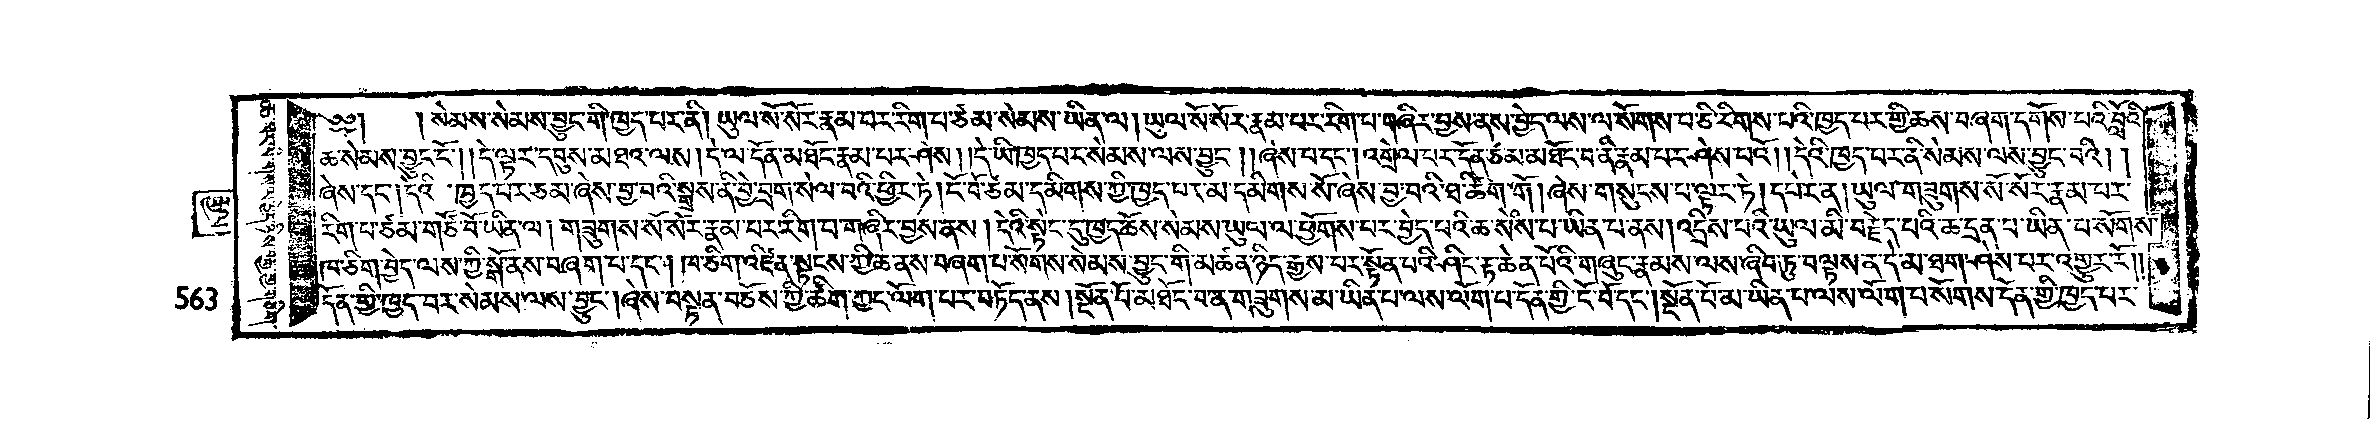༄༅། །སེམས་སེམས་བྱུང་གི་ཁྱད་པར་ནི། ཡུལ་སོ་སོར་རྣམ་པར་རིག་པ་ཙམ་སེམས་ཡིན་ལ། ཡུལ་སོ་སོར་རྣམ་པར་རིག་པ་གཞིར་བྱས་ནས་བྱེད་ལས་ལ་སོགས་པ་ཅི་རིགས་པའི་ཁྱད་པར་གྱི་ཆས་བཞག་དགོས་པའི་བློའི་
ཆ་སེམས་བྱུང་ངོ། །དེ་ལྟར་དབུས་མཐའ་ལས། དེ་ལ་དོན་མཐོང་རྣམ་པར་ཤེས། །དེ་ཡི་ཁྱད་པར་སེམས་ལས་བྱུང་། །ཞེས་པ་དང་། འགྲེལ་པར་དོན་ཙམ་མཐོང་བ་ནི་རྣམ་པར་ཤེས་པའོ། །དེའི་ཁྱད་པར་ནི་སེམས་ལས་བྱུང་བའི། །
ཞེས་དང་། དེའི་ཁྱད་པར་ཅམ་ཞེས་བྱ་བའི་སྒྲས་ནི་བྱེ་བྲག་སེལ་བའི་ཕྱིར་ཏེ། ངོ་བོ་ཙམ་དམིགས་ཀྱི་ཁྱད་པར་མ་དམིགས་སོ་ཞེས་བྱ་བའི་ཐ་ཚིག་གོ། ཞེས་གསུངས་པ་ལྟར་ཏེ། དཔེར་ན། ཡུལ་གཟུགས་སོ་སོར་རྣམ་པར་
རིག་པ་ཙམ་གཙོ་བོ་ཡིན་ལ། གཟུགས་སོ་སོར་རྣམ་པར་རིག་པ་གཞིར་བྱས་ནས། དེའི་སྟེང་དུ་ཁྱད་ཆོས་སེམས་ཡུལ་ལ་ཕྱོགས་པར་བྱེད་པའི་ཆ་སེམས་པ་ཡིན་པ་ནས། འདྲིས་པའི་ཡུལ་མི་བརྗེད་པའི་ཆ་དྲན་པ་ཡིན་པ་སོགས་
ཁ་ཅིག་བྱེད་ལས་ཀྱི་སྒོ་ནས་བཞག་པ་དང་། ཁ་ཅིག་འཛིན་སྟངས་ཀྱི་ཆ་ནས་བཞག་པ་སོགས་སེམས་བྱུང་གི་མཚན་ཉིད་རྒྱས་པར་སྟོན་པའི་ཤིང་རྟ་ཆེན་པོའི་གཞུང་རྣམས་ལས་ཞིབ་ཏུ་བལྟས་ན་དེ་མ་ཐག་ཤེས་པར་འགྱུར་རོ། །
དོན་གྱི་ཁྱད་པར་སེམས་ལས་བྱུང་། ཞེས་བསྟན་བཅོས་ཀྱི་ཚིག་ཀྱང་ལོག་པར་བཏོད་ནས། སྔོན་པོ་མཐོང་བ་ན་གཟུགས་མ་ཡིན་པ་ལས་ལོག་པ་དོན་གྱི་ངོ་བོ་དང་། སྔོན་པོ་མ་ཡིན་པ་ལས་ལོག་པ་སོགས་དོན་གྱི་ཁྱད་པར་